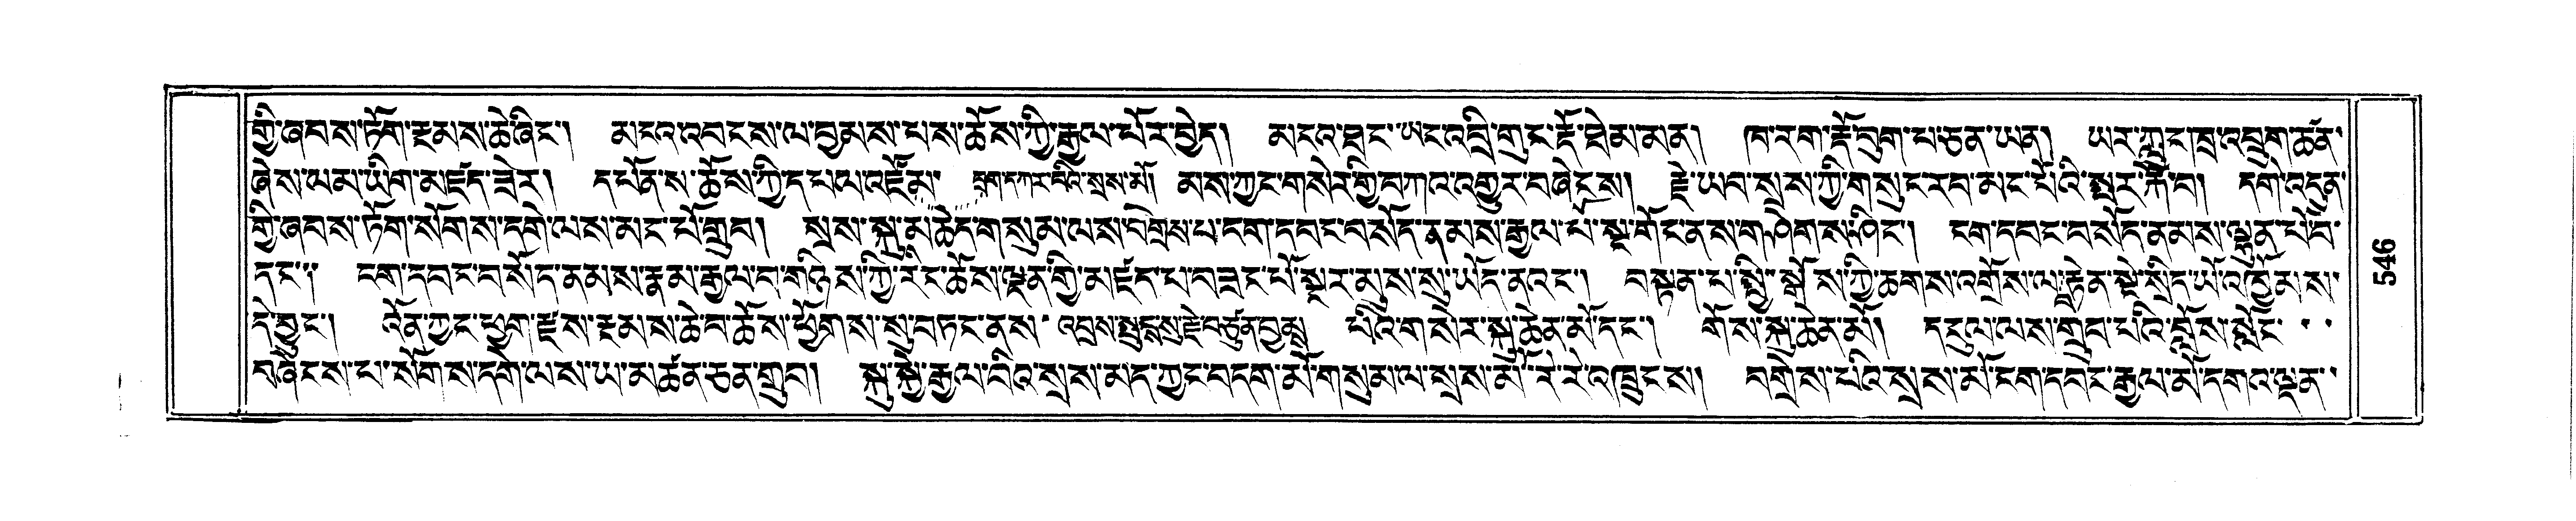གྱི་ཞབས་ཏོག་རྔམས་ཆེ་ཞིང་། མངའ་འབངས་ལ་བྱམས་པས་ཆོས་ཀྱི་རྒྱལ་པོར་བྱེད། མངའ་ཐང་ཡང་འབྲི་གུང་རྡོ་ཐེམ་མན། ཁ་རག་རྡོ་བུག་པ་ཅན་ཡན། ཡར་ཀླུང་ཁྲ་འབྲུག་ཚན་
ཞེས་ལམ་ཡིག་མཛད་ཟེར། དཔོན་ས་ཆོས་ཀྱི་དཔལ་འཛོམ་བྲག་དཀར་བའི་སྲས་མོ།  མས་ཀྱང་གསེར་གྱི་བཀའ་འགྱུར་བཞེངས། རྗེ་ཡབ་སྲས་ཀྱི་གསུང་རབ་མང་པོའི་སྤར་རྐོ་བ། དགེ་འདུན་
གྱི་ཞབས་ཏོག་སོགས་དགེ་ལས་མང་པོ་གྲུབ། སྲས་སྐུ་མཆེད་གསུམ་ལས་བགྲེས་པ་ངག་དབང་བསོད་ནམས་རྒྱལ་པོ་སྔ་གོང་ནས་གཤེགས་ཤིང་། ངག་དབང་བསོད་ནམས་ལྷུན་པོ་བ་
དང༑ ངག་དབང་བསོད་ནམས་རྣམ་རྒྱལ་བ་གཉིས་ཀྱི་རིང་ཆོས་ལྡན་གྱི་མཛད་པ་བཟང་པོ་སྔར་མུས་སུ་ཡོད་ནའང་། བསྟན་པ་སྤྱི་སྒོས་ཀྱི་ཆགས་འགྲོས་ལ་བརྟེན་སྡེ་སྲིད་ཡོ་འཁྱོམས་
དེ་བྱུང་། འོན་ཀྱང་ཕྱག་རྫས་རྔམས་ཆེ་བ་ཆོས་ཕྱོགས་སུ་བཏང་ནས་འབྲས་སྤུངས་སུ་རྗེ་བཙུན་བྱམས་པའི་གསེར་སྐུ་ཆེན་མོ་དང་། གོས་སྐུ་ཆེན་མོ། དངུལ་ལས་གྲུབ་པའི་བློས་སློང་
བཞེངས་པ་སོགས་དགེ་ལས་ཡ་མཚན་ཅན་གྲུབ། སྐུ་སྐྱེ་རྒྱལ་བའི་སྲས་མད་ཀྱང་བདག་མོ་གསུམ་ལ་སྲས་མོ་རེ་རེ་འཁྲུངས། བགྲེས་པའི་སྲས་མོ་ངག་དབང་རྒྱལ་མོ་དགའ་ལྡན་